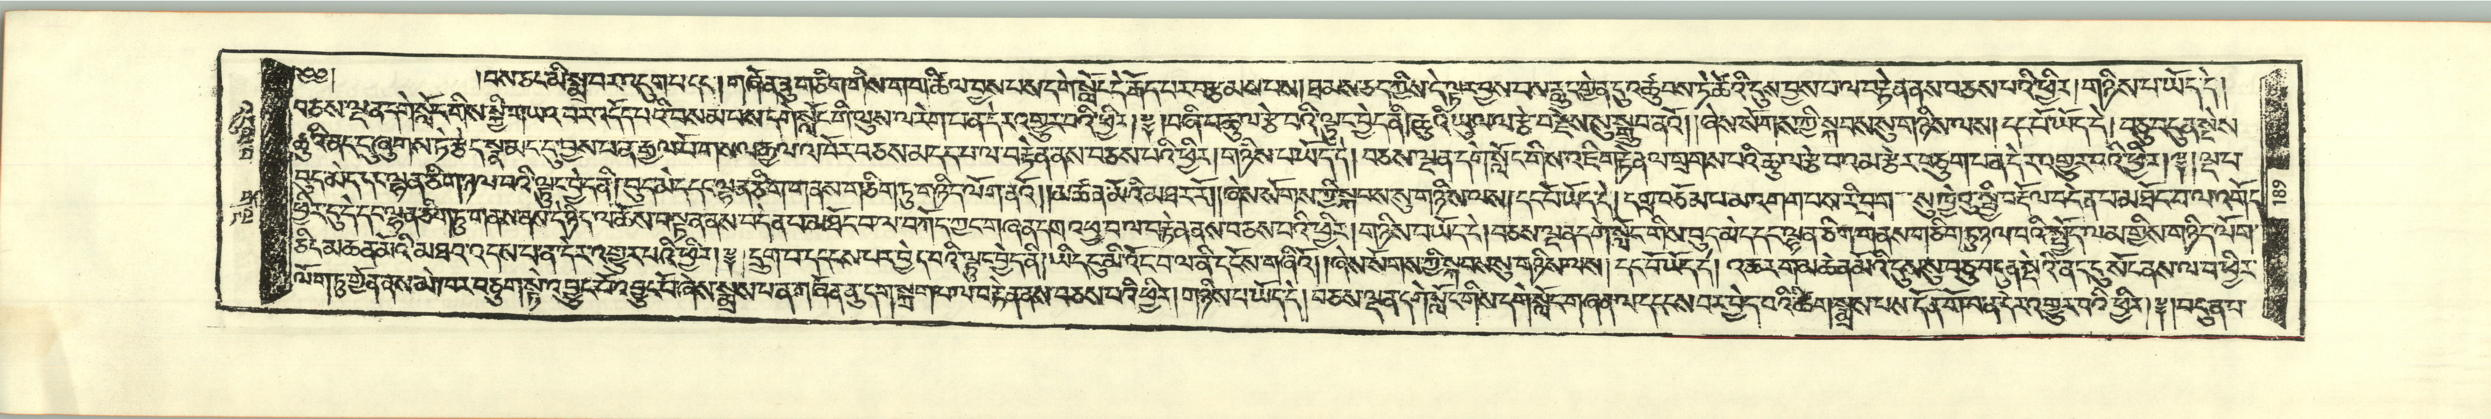༄༅། །བས་ཅང་མི་སྨྲ་བར་འདུག་པ་དང་། གཞོན་ནུ་གཅིག་གིས་ག་ག་ཚིལ་བྱས་པས་དགེ་སློང་དེ་རྒོད་པར་བརྩམས་པས། ཐམས་ཅད་ཀྱིས་དེ་ལྟར་བྱས་པས་རླུང་གྱེན་དུ་འཚུབས་ཏེ་ཚེའི་དུས་བྱས་པ་ལ་བརྟེན་ནས་བཅས་པའི་ཕྱིར། གཉིས་པ་ཡོད་དེ།
བཅས་ལྡན་དགེ་སློང་གིས་སྐྱི་གཡའ་བར་འདོད་པའི་བསམ་པས་དགེ་སློང་གི་ལུས་ལ་རེག་པ་ན་དེར་འགྱུར་བའི་ཕྱིར། ༈ །བཞི་པ་ཆུ་ལ་རྩེ་བའི་ལྟུང་བྱེད་ནི། ཆུའི་ཡུལ་ལ་རྩེ་བ་རྗེས་སུ་སྒྲུབ་ནའོ། །ཞེས་སོགས་ཀྱི་སྐབས་སུ་གཉིས་ལས། དང་པོ་ཡོད་དེ། བཅུ་བདུན་སྡེས་
ཆུའི་ནང་དུ་ཞུགས་ཏེ་རྩེད་སྣ་མང་དུ་བྱས་པ་ན་རྒྱལ་པོ་གསལ་རྒྱལ་འཁོར་བཅས་མ་དད་པ་ལ་བརྟེན་ནས་བཅས་པའི་ཕྱིར། གཉིས་པ་ཡོད་དེ། བཅས་ལྡན་དགེ་སློང་གིས་འཇིག་རྟེན་ལ་གྲགས་པའི་ཆུ་ལ་རྩེ་བ་འམ་རྩེར་བཅུག་པ་ན་དེར་འགྱུར་བའི་ཕྱིར། ༈ །ལྔ་པ་
བུད་མེད་དང་ལྷན་ཅིག་ཉལ་བའི་ལྟུང་བྱེད་ནི། བུད་མེད་དང་ལྷན་ཅིག་གནས་གཅིག་ཏུ་གཉིད་ལོག་ནའོ། །མཚན་མོའི་མཐར་རོ། །ཞེས་སོགས་ཀྱི་སྐབས་སུ་གཉིས་ལས། དང་པོ་ཡོད་དེ། དགྲ་བཅོམ་པ་མ་འགག་པས་རི་བྲག་སུ་ཁྱེའུ་སྤྱི་བརྡོལ་བདེན་པ་མཐོང་བ་ལ་འགོད་
ཕྱིར་དུ་དེ་དང་ལྷན་ཅིག་ཏུ་གནས་ནས་དེ་ཉིད་ལ་ཆོས་བསྟན་ནས་བདེན་པ་མཐོང་བ་ལ་བཀོད་ཀྱང་གཞན་དག་འཕྱ་བ་ལ་བརྟེན་ནས་བཅས་པའི་ཕྱིར། གཉིས་པ་ཡོད་དེ། བཅས་ལྡན་དགེ་སློང་གིས་བུད་མེད་དང་ལྷན་ཅིག་གནས་གཅིག་ཏུ་ཉལ་བའི་སྤྱོད་ལམ་གྱིས་གཉིད་ལོག་
ཅིང་མཚན་མོའི་མཐའ་འདས་པ་ན་དེར་འགྱུར་པའི་ཕྱིར། ༈ །དྲུག་པ་དངངས་པར་བྱེད་པའི་ལྟུང་བྱེད་ནི། ཡིད་དུ་མི་འོང་བ་ལ་ནི་དངོས་གཞིའོ། །ཞེས་སོགས་ཀྱི་སྐབས་སུ་གཉིས་ལས། དང་པོ་ཡོད་དེ། འཆར་ག་མཆེན་མོའི་དུས་སུ་བཅུ་བདུན་སྡེའི་ནང་དུ་སོང་ནས་ལ་བ་ཕྱིར་
ལོག་ཏུ་གྱོན་ནས་མེ་ཁར་བཅུག་སྟེ་འབྱུང་པོ་འབྱུང་པོ་ཞེས་སྨྲས་པ་ན་གཞོན་ནུ་དག་སྐྲག་པ་ལ་བརྟེན་ནས་བཅས་པའི་ཕྱིར། གཉིས་པ་ཡོད་དེ། བཅས་ལྡན་དགེ་སློང་གིས་དགེ་སློང་གཞན་ལ་དངངས་བར་བྱེད་པའི་ཚིག་སྨྲས་པས་དོན་གོ་བ་ན་དེར་འགྱུར་པའི་ཕྱིར། ༈ །བདུན་པ་